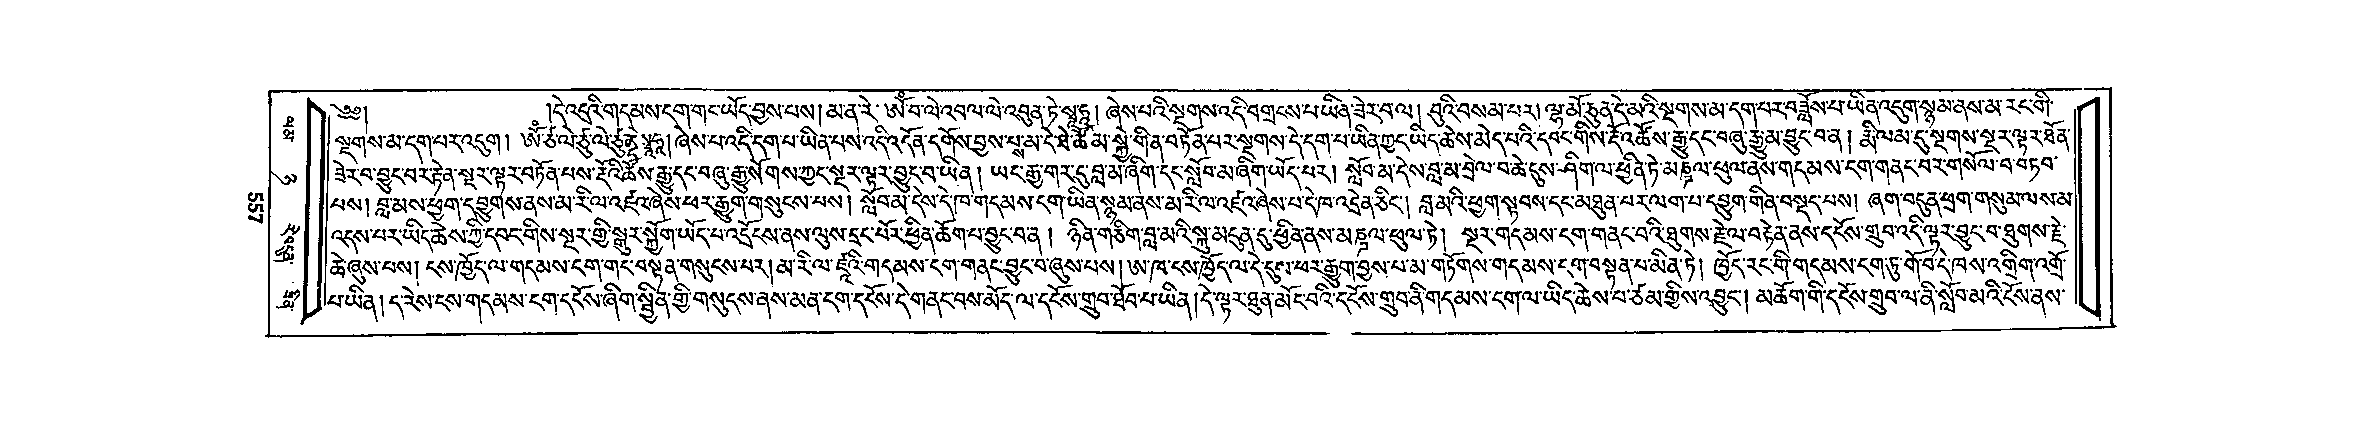༄༅། །དེ་འདྲའི་གདམས་ངག་གང་ཡོད་བྱས་པས། མ་ན་རེ་ཨོཾ་བ་ལེ་འབལ་ལེ་འབུན་ཏེ་སྭཱཧཱ། ཞེས་པའི་སྔགས་འདི་བགྲངས་པ་ཡིན་ཟེར་བ་ལ། བུའི་བསམ་པར། ལྷ་མོ་ཅུན་དེ་མའི་སྔགས་མ་དག་པར་བཟློས་པ་ཡིན་འདུག་སྙམ་ནས་མ་རང་གི་
སྔགས་མ་དག་པར་འདུག །ཨོཾ་ཙ་ལེ་ཙུ་ལེན་ཙུནྡ་ཤྭཱཧཱ། ཞེས་པ་འདི་དག་པ་ཡིན་པས་འདི་འདོན་དགོས་བྱས་པས་མ་དེ་ཐེ་ཚོམ་སྐྱེ་གིན་བཏོན་པར་སྔགས་དེ་དག་པ་ཡིན་ཀྱང་ཡིད་ཆེས་མེད་པའི་དབང་གིས་རྡོ་འཚོས་རྒྱུ་དང་བཞུ་རྒྱུ་མ་བྱུང་བ་ན། རྨི་ལམ་དུ་སྔགས་སྔར་ལྟར་ཐོན་
ཟེར་བ་བྱུང་བར་རྟེན་སྔར་ལྟར་བཏོན་པས་རྡོའི་ཚོས་རྒྱུ་དང་བཞུ་རྒྱུ་སོགས་ཀྱང་སྔར་ལྟར་བྱུང་བ་ཡིན། ཡང་རྒྱ་གར་དུ་བླ་མ་ཞིག་དང་སློབ་མ་ཞིག་ཡོད་པར། སློབ་མ་དེས་བླ་མ་བྲེལ་བ་ཆེ་དུས་ཤིག་ལ་ཕྱིན་ཏེ་མཎྜལ་ཕུལ་ནས་གདམས་ངག་གནང་བར་གསོལ་བ་བཏབ་
པས། བླ་མས་ཕྱག་དབྱུགས་ནས་མ་རི་ལ་འཛའ་ཞེས་ཕར་རྒྱུག་གསུངས་པས། སློབ་མ་དེས་དེ་ཁ་གདམས་ངག་ཡིན་སྙམ་ནས་མ་རི་ལ་འཛའ་ཞེས་པ་དེ་ཁ་འདྲེན་ཅིང་། བླ་མའི་ཕྱག་སྟབས་དང་མཐུན་པར་ལག་པ་དབྱུག་གིན་བསྡད་པས། ཞག་བདུན་ཕྲག་གསུམ་ལས་མ་
འདས་པར་ཡིད་ཆེས་ཀྱི་དབང་གིས་སྔར་གྱི་སྒུར་སྐྱོག་ཡོད་པ་འདྲོངས་ནས་ལུས་དྲང་པོར་ཕྱིན་ཆོག་པ་བྱུང་བ་ན། ཉིན་གཅིག་བླ་མའི་སྐུ་མདུན་དུ་ཕྱིན་ནས་མཎྜལ་ཕུལ་ཏེ། སྔར་གདམས་ངག་གནང་བའི་ཐུགས་རྗེ་ལ་བརྟེན་ནས་དངོས་གྲུབ་འདི་ལྟར་བྱུང་བ་ཐུགས་རྗེ་
ཆེ་ཞུས་པས། ངས་ཁྱོད་ལ་གདམས་ངག་གང་བསྟན་གསུངས་པར། མ་རི་ལ་ཛའི་གདམས་ངག་གནང་བྱུང་བ་ཞུས་པས། ཨ་ཁ་ངས་ཁྱོད་ལ་དེ་དུས་ཕར་རྒྱུག་བྱས་པ་མ་གཏོགས་གདམས་ངག་བསྟན་པ་མིན་ཏེ། ཁྱོད་རང་གི་གདམས་ངག་ཏུ་གོ་བ་དེ་ཁས་འགྲིག་འགྲོ་
པ་ཡིན། ད་རེས་ངས་གདམས་ངག་དངོས་ཞིག་སྦྱིན་གྱི་གསུངས་ནས་མན་ངག་དངོས་དེ་གནང་བས་མོད་ལ་དངོས་གྲུབ་ཐོབ་པ་ཡིན། དེ་ལྟར་ཐུན་མོང་བའི་དངོས་གྲུབ་ནི་གདམས་ངག་ལ་ཡིད་ཆེས་པ་ཙམ་གྱིས་འབྱུང་། མཆོག་གི་དངོས་གྲུབ་ལ་ནི་སློབ་མའི་ངོས་ནས་